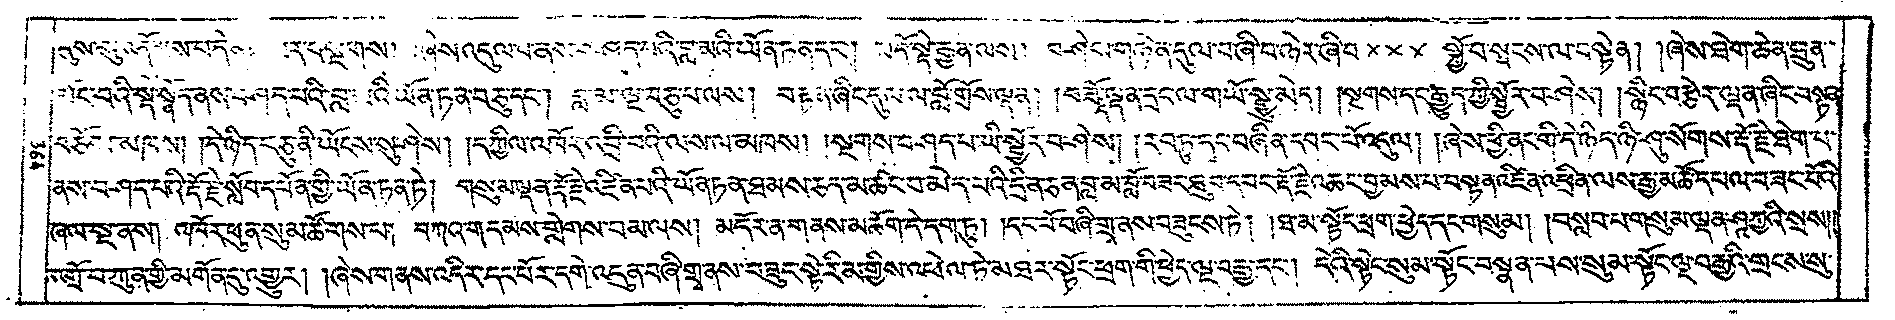དུས་སུ་འདོམས་པ་དེ་ནི་བླ་མར་བསྔགས། །ཞེས་འདུལ་བ་ནས་བཤད་པའི་བླ་མའི་ཡོན་ཏན་དང་། མདོ་སྡེ་རྒྱན་ལས། བཤེས་གཉེན་དུལ་བ་ཞི་བ་ཉེར་ཞིབ་྾་྾་྾་སྐྱོ་བ་སྤངས་ལ་བསྟེན། །ཞེས་ཐེག་ཆེན་ཐུན་
མོང་བའི་སྡེ་སྣོད་ནས་བཤད་པའི་བླ་མའི་ཡོན་ཏན་བཅུ་དང་། བླ་མ་ལྔ་བཅུ་པ་ལས། བརྟན་ཞིང་དུལ་ལ་བློ་གྲོས་ལྡན། །བཟོད་ལྡན་དྲང་ལ་གཡོ་སྒྱུ་མེད། །སྔགས་དང་རྒྱུད་ཀྱི་སྦྱོར་བ་ཤེས། །སྙིང་བརྩེར་ལྡན་ཞིང་བསྟན་
བཅོས་མཁས། །དེ་ཉིད་བཅུ་ནི་ཡོངས་སུ་ཤེས། །དཀྱིལ་འཁོར་འབྲི་བའི་ལས་ལ་མཁས། །སྔགས་བཤད་པ་ཡི་སྦྱོར་བ་ཤེས། །རབ་ཏུ་དྭང་བཞིན་དབང་པོ་འདུལ། །ཞེས་ཕྱི་ནང་གི་དེ་ཉིད་ཉི་ཤུ་སོགས་རྡོ་རྗེ་ཐེག་པ་
ནས་བཤད་པའི་རྡོ་རྗེ་སློབ་དཔོན་གྱི་ཡོན་ཏན་ཏེ། གསུམ་ལྡན་རྡོ་རྗེ་འཛིན་པའི་ཡོན་ཏན་ཐམས་ཅད་མ་ཚང་བ་མེད་པའི་དྲིན་ཅན་བླ་མ་བློ་བཟང་ཐུབ་དབང་རྡོ་རྗེ་འཆང་བྱམས་པ་བསྟན་འཛིན་འཕྲིན་ལས་རྒྱ་མཚོ་དཔལ་བཟང་པོའི་
ཞལ་སྔ་ནས། འཁོར་ཕུན་སུམ་ཚོགས་པ། བཀའ་གདམས་གླེགས་བམ་ལས། མདོར་ན་གནས་མཆོག་དེ་དག་ཏུ། །དང་པོ་བཞི་གྲྭ་ནས་བཟུངས་ཏེ། །ཐ་མ་སྟོང་ཕྲག་ཕྱེད་དང་གསུམ། །བསླབ་པ་གསུམ་ལྡན་ཤཱཀྱའི་སྲས། །
འགྲོ་བ་ཀུན་གྱི་མགོན་དུ་འགྱུར། །ཞེས་གནས་འདིར་དང་པོར་དགེ་འདུན་བཞི་གྲྭ་ནས་བཟུང་སྟེ་རིམ་གྱིས་འཕེལ་ཏེ་མཐར་སྟོང་ཕྲག་གི་ཕྱེད་ལྔ་བརྒྱ་དང་། དེའི་སྟེང་སུམ་སྟོང་བསྣན་པས་སུམ་སྟོང་ལྔ་བརྒྱའི་གྲངས་སུ་